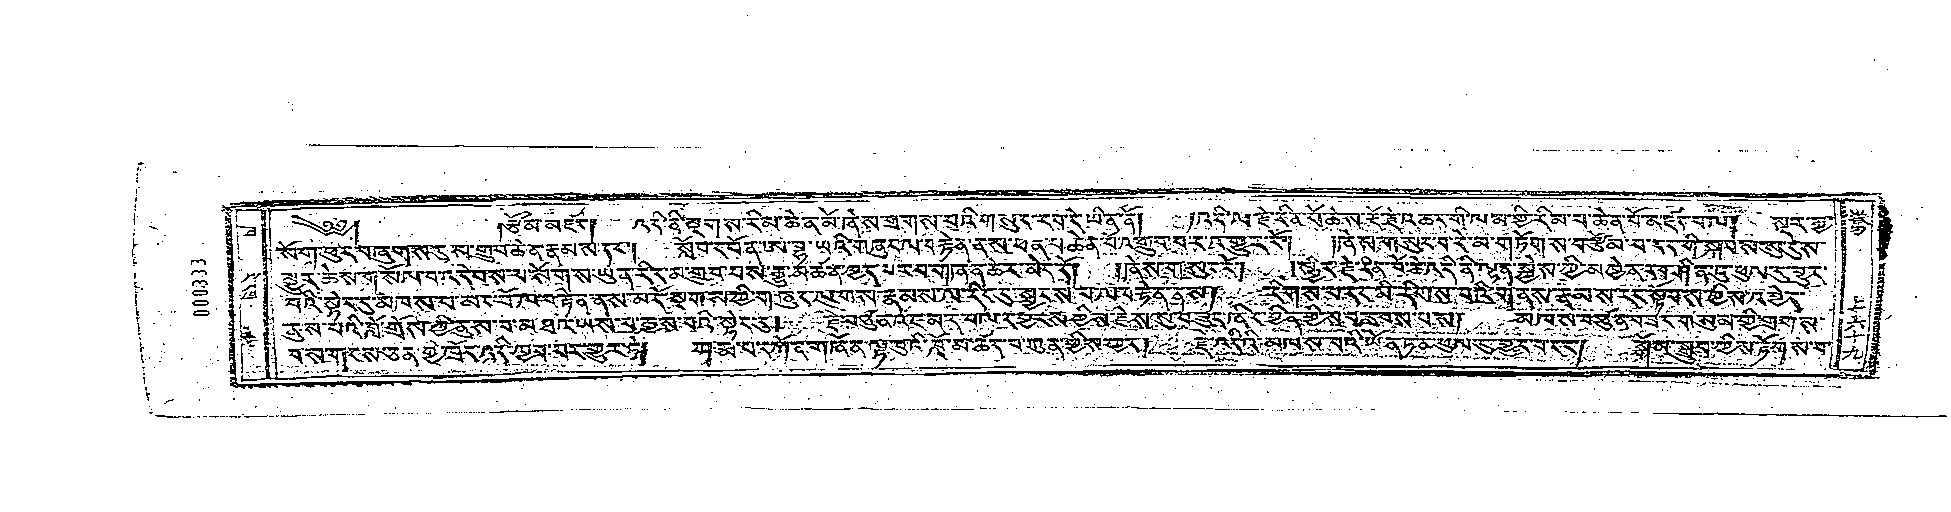༄༅། །རྩོམ་མཛད། འདི་ནི་སྔགས་རིམ་ཆེན་མོ་ཞེས་གྲགས་པའི་གསུང་རབ་དེ་ཡིན་ནོ། །འདི་ལ་རྗེ་རིན་པོ་ཆེས་རྡོ་རྗེ་འཆང་གི་ལམ་གྱི་རིམ་པ་ཆེན་པོ་མཛད་བ་ལ། སྡར་རྒྱ་
སོག་ཕུར་བཞུགས་དུས་གྲུབ་ཆེན་རྣམས་དང་། སློབ་དཔོན་ཨ་བྷ་ཡའི་གཞུང་ལ་བརྟེན་ནས་ཕན་པ་ཆེན་པོ་འགྲུབ་བར་འགྱུར་རོ། །ཞེས་གསུངས་པ་དེ་མ་གཏོགས་བ་རྩོམ་པ་རང་གི་སྐབས་སུ་དུས་
མྱུར་ཆེས་གསོལ་བ་འདེབས་པ་སོགས་ཡུན་རིང་མ་གྲུབ་བས་རྒྱུ་མཚན་ཁྱད་པར་བ་གཞན་ཆེར་མེད་དོ། །ཞེས་གསུང་ངོ། །སྤྱིར་རྗེ་རིན་པོ་ཆེ་འདི་ནི་ལྷན་སྐྱེས་ཀྱི་མཁྱེན་རབ་ཤིན་ཏུ་ཕུལ་དུ་བྱུང་
བའི་སྟེང་དུ་མཁས་པ་མང་བོ་ལ་བརྟེན་ནས་མདོ་སྔགས་ཀྱི་གཞུང་ལུགས་རྣམས་ལ་རིང་དུ་སྦྱངས་པ་ལ་བརྟེན་ནས། རིགས་པ་དང་མི་རིགས་བའི་གནས་རྣམས་རང་སྟོབས་ཀྱིས་འབྱེད་
ནུས་པའི་བློ་གྲོས་ཀྱི་ནུས་བ་མཐའ་ཡས་པ་རྒྱས་པའི་སྟེང་དུ། རྗེ་བཙུན་འཇམ་དཔལ་དབྱངས་ཀྱིས་རྗེས་སུ་བ་བྱུང་ཞིང་བྱིན་གྱིས་བརླབས་པས། མཁས་བཙུན་བཟང་གསུམ་གྱི་གྲགས་
བས་གངས་ཅན་གྱི་ཁྲོད་འདི་ཁྱབ་བར་གྱུར་ཏེ། ཀརྨ་པ་དཀོན་གཞོན་ལྟ་བུའི་བློ་མ་ཚད་པ་ཀུན་གྱིས་ཀྱང་། རྗེ་འདིའི་མཁས་བའི་ཡོན་ཏན་ཕུལ་དུ་གྱུར་བ་དང་། སྒོམ་སྒྲུབ་ཀྱིས་རྟོགས་བ་